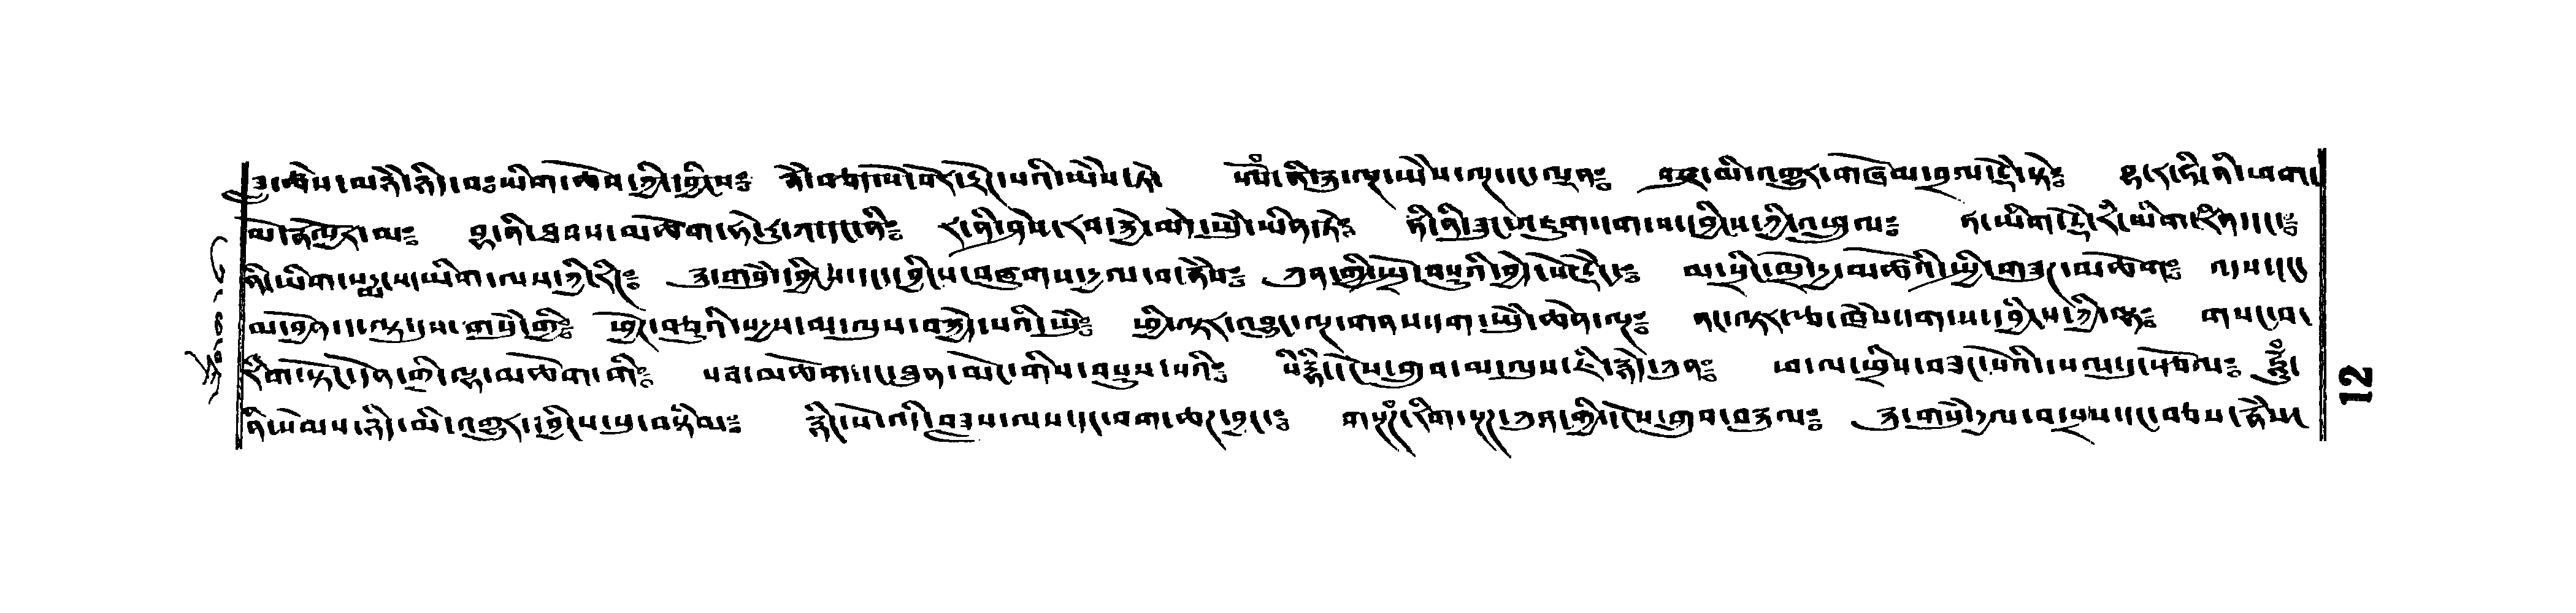ཟླ་ཚེས་མཉམ་ཉིད་བ་ཡིག་ཆོས་ཀྱི་དབྱིངས༔ རྣམ་བཅད་སོ་སོར་རྟོགས་པའི་ཡེ་ཤེས་ཏེ༔ ཨོཾ་ནི་སྐུ་ལྔ་ཡེ་ཤེས་ལྔ་དང་ལྡན༔ བཛྲ་མི་འགྱུར་གཞོམ་བྲལ་རྡོ་རྗེ་སྟེ༔ ཝ་ར་ཧི་ནི་ཕག་
མོ་རྣལ་འབྱོར་མ༔ ཝ་ནི་ཐབས་མཆོག་ཧེ་རུ་ཀ་དང་ནི༔ ར་ནི་ཤེས་རབ་སྐྱེ་མེད་ཡུམ་ཡིན་ཏེ༔ ཧི་ནི་ཟུང་འཇུག་དག་པ་དབྱིངས་ཀྱི་འཕྲུལ༔ ཧ་ཡིག་རྡོ་རྗེ་རི་ཡིག་རིན་དང༔ 
ནི་ཡིག་པདྨ་ས་ཡིག་ལས་ཀྱི་རིགས༔ སྐུ་གསུམ་དབྱིངས་དང་དབྱིངས་བཞུགས་རྒྱལ་བ་རྣམས༔ ཀུན་གྱི་སྤྲོ་བསྡུའི་བྱེད་པོ་རྡོ་རྗེ་འཆང༔ མ་སྲིང་མཁའ་འགྲོ་རྒྱ་མཚོའི་སྤྱི་གཟུགས་མཆོག༔ འདས་དང་
མ་བྱོན་ད་ལྟ་དུས་གསུམ་གྱི༔ཕྱོགས་བཅུའི་སངས་རྒྱས་མ་ལུས་བསྐྱེད་པའི་ཡུམ༔ ཕྱི་ལྟར་འབྱུང་ལྔ་གནས་དག་ཡུམ་ཆེན་ལྔ༔ ནང་ལྟར་རྩ་ཁམས་དག་པ་དབྱིངས་ཀྱི་ལྷ༔ གསང་བ་
རིག་སྟོང་དོན་གྱི་ལྷ་མཆོག་གི༔ སརྦ་མཆོག་དང་ཐུན་མོང་གིས་བསྡུས་པའི༔ སིདྡྷི་དངོས་གྲུབ་མ་ལུས་ཇི་སྙེད་ཀུན༔ ཕ་ལ་ཕྲིན་ལས་བཟང་པོའི་དཔལ་དུ་སྩོལ༔ ཧཱུྃ་
ནི་སེམས་ཉིད་མི་འགྱུར་དབྱིངས་སུ་བསྟིམ༔ སྙིང་པོ་འདི་བཟླས་ལས་དང་བག་ཆགས་བྱང༔ གསང་སྔགས་རིག་སྔགས་ཀུན་གྱི་དངོས་གྲུབ་བསྐུལ༔ སྐུ་གསུམ་རྒྱལ་བ་སྲས་དང་བཅས་རྣམས་